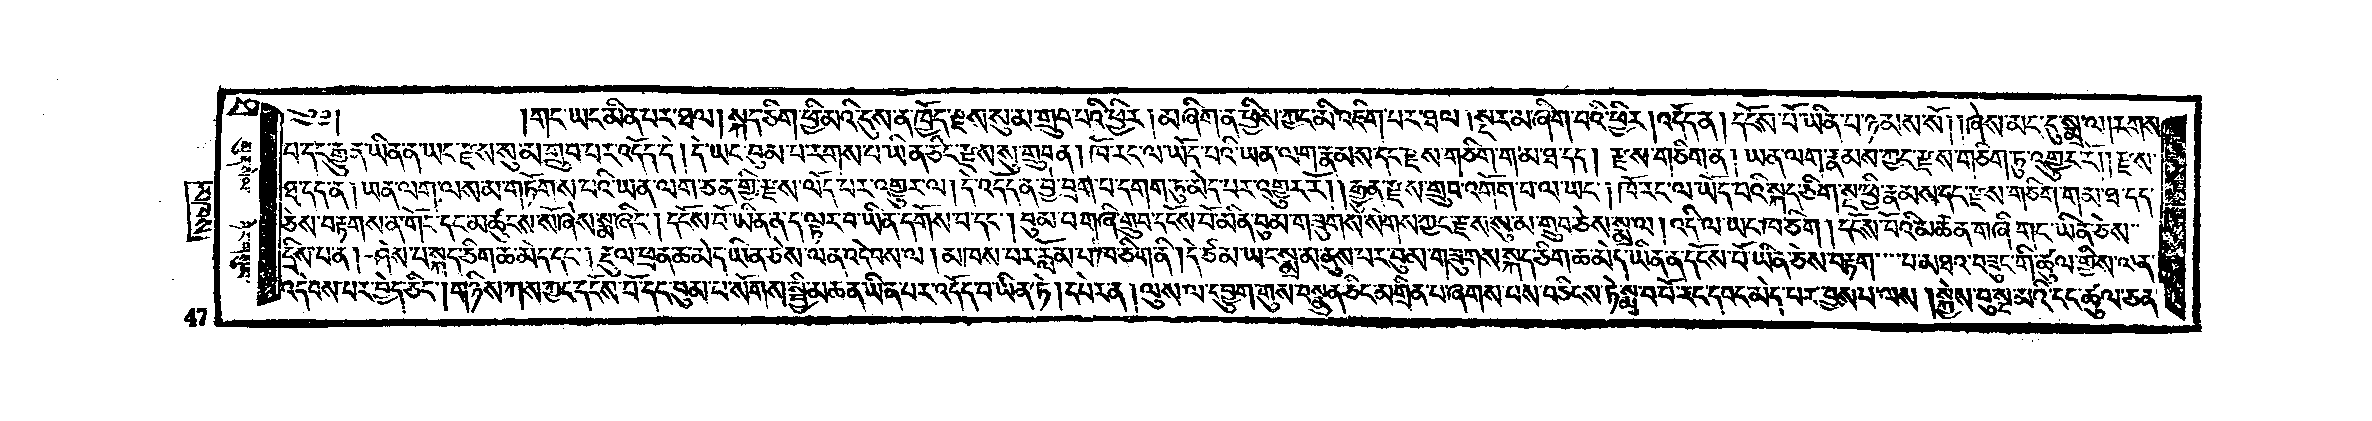༄༅། །གང་ཡང་མིན་པར་ཐལ། སྐད་ཅིག་ཕྱི་མའི་དུས་ན་ཁྱོད་རྫས་སུ་མ་གྲུབ་པའི་ཕྱིར། མ་ཞིག་ན་ཕྱིས་ཀྱང་མི་འཇིག་པར་ཐལ། སྔར་མ་ཞིག་པའི་ཕྱིར། འདོད་ན། དངོས་པོ་ཡིན་པ་ཉམས་སོ། །ཞས་མད་དུ་སྨྲ་ལ། རགས་
པ་དང་རྒྱུན་ཡིན་ན་ཡང་རྫས་སུ་མ་གྲུབ་པར་འདོད་དེ། དེ་ཡང་བུམ་པ་རགས་པ་ཡིན་ཅིང་རྫས་སུ་གྲུབ་ན། ཁོ་རང་ལ་ཡོད་པའི་ཡན་ལག་རྣམས་དང་རྫས་གཅིག་གམ་ཐ་དད། རྫས་གཅིག་ན། ཡན་ལག་རྣམས་ཀྱང་རྫས་གཅིག་ཏུ་འགྱུར་རོ། །རྫས་
ཐ་དད་ན། ཡན་ལག་ལས་མ་གཏོགས་པའི་ཡན་ལག་ཅན་གྱི་རྫས་ཡོད་པར་འགྱུར་ལ། དེ་འདོད་ན་བྱེ་བྲག་པ་དགག་ཏུ་མེད་པར་འགྱུར་རོ། །རྒྱུན་རྫས་གྲུབ་འགོག་པ་ལ་ཡང་། ཁོ་རང་ལ་ཡོད་པའི་སྐད་ཅིག་སྔ་ཕྱི་རྣམས་དང་རྫས་གཅིག་གམ་ཐ་དད་
ཅེས་བརྟོགས་ན་གོང་དང་མཚུངས་སོ་ཞེས་སྨྲ་ཞིང་། དངོས་པོ་ཡིན་ན་ད་ལྟར་བ་ཡིན་དགོས་པ་དང་། བུམ་པ་གཞི་གྲུབ་དངོས་པོ་མིན་བུམ་གཟུགས་སོགས་ཀྱང་རྫས་སུ་མ་གྲུབ་ཅེས་སྨྲ་ལ། འདི་ལ་ཡང་ཁ་ཅིག །དངོས་པོའི་མཚན་གཞི་གང་ཡིན་ཅེས་
དྲིས་པ་ན། ཤེས་པ་སྐད་ཅིག་ཆ་མེད་དང་། རྡུལ་ཕྲན་ཆ་མེད་ཡིན་ཅེས་ལན་འདེབས་ལ། མཁས་པར་རློམ་པ་ཁ་ཅིག་ནི། དེ་ཙམ་ཡང་སྨྲ་མ་ནུས་པར་བུམ་གཟུགས་སྐད་ཅིག་ཆ་མེད་ཡིན་ན་དངོས་པོ་ཡིན་ཅེས་བརྟག་པ་མཐའ་བཟུང་གི་ཚུལ་གྱིས་ལན་
འདེབས་པར་བྱེད་ཅིང་། གཉིས་ཀས་ཀྱང་དངོས་པོ་དང་བུམ་པ་སོགས་སྤྱི་མཚན་ཡིན་པར་འདོད་པ་ཡིན་ཏེ། དཔེར་ན། ལུས་ལ་དབྱུག་གུས་བསྨུན་ཅིང་མགྲིན་བ་ཞགས་པས་བཅིངས་ཏེ་སྨྲ་བ་པོ་རང་དབང་མེད་པར་བྱས་པ་ལས། སྐྱེས་བུ་སྔ་མའི་དང་ཚུལ་ཅན་